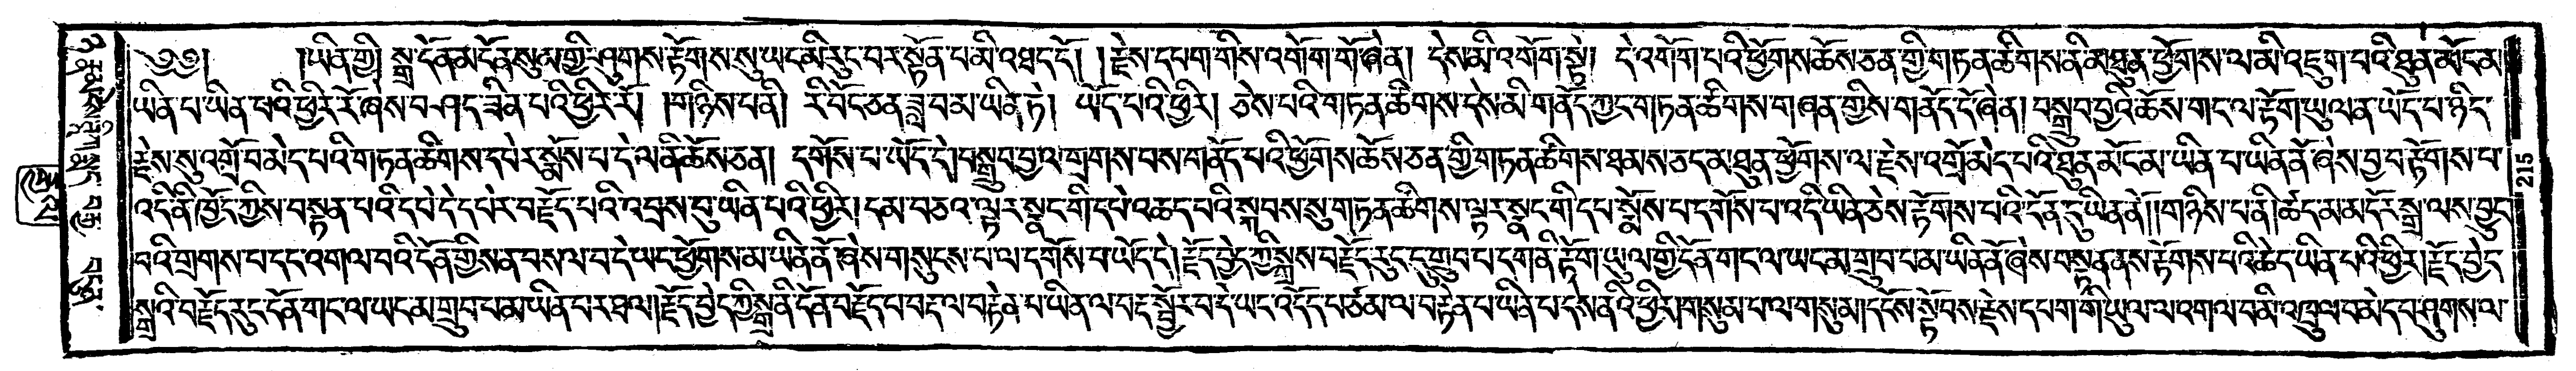༄༅། །ཡིན་གྱི། སྒྲ་དོན་མངོན་སུམ་གྱི་ཤུགས་རྟོགས་སུ་ཡང་མི་རུང་བར་སྟོན་པ་མི་འཐད་དོ། །རྗེས་དཔག་གིས་འགོག་གོ་ཞེ་ན། དེས་མི་འགོག་སྟེ། དེ་འགོག་པའི་ཕྱོགས་ཆོས་ཅན་གྱི་གཏན་ཚིགས་ནི་མཐུན་ཕྱོགས་ལ་མི་འཇུག་པའི་ཐུན་མོང་མ་
ཡིན་པ་ཡིན་པའི་ཕྱིར་རོ་ཞེས་བཤད་ཟིན་པའི་ཕྱིར་རོ། །གཉིས་པ་ནི། རི་བོང་ཅན་ཟླ་བ་མ་ཡིན་ཏེ། ཡོད་པའི་ཕྱིར། ཅེས་པའི་གཏན་ཚིགས་དེས་མི་གནོད་ཀྱང་གཏན་ཚིགས་གཞན་གྱིས་གནོད་དོ་ཞེ་ན། བསྒྲུབ་བྱའི་ཆོས་གང་ལ་རྟོག་ཡུལ་ན་ཡོད་པ་ཉིད་
རྗེས་སུ་འགྲོ་བ་མེད་པའི་གཏན་ཚིགས་དཔེར་སྨོས་པ་དེ་ལ་ནི་ཆོས་ཅན། དགོས་པ་ཡོད་དེ། བསྒྲུབ་བྱ་ལ་གྲགས་པས་གནོད་པའི་ཕྱོགས་ཆོས་ཅན་གྱི་གཏན་ཚིགས་ཐམས་ཅད་མཐུན་ཕྱོགས་ལ་རྗེས་འགྲོ་མེད་པའི་ཐུན་མོང་མ་ཡིན་པ་ཡིན་ནོ་ཞེས་བྱ་བ་རྟོགས་པ་
འདི་ནི་ཁྱོད་ཀྱིས་བསྟན་པའི་དཔེ་དེ་དཔེར་བརྗོད་པའི་འབྲས་བུ་ཡིན་པའི་ཕྱིར། དམ་བཅའ་ལྟར་སྣང་གི་དཔེ་འཆད་པའི་སྐབས་སུ་གཏན་ཚིགས་ལྟར་སྣང་གི་དང་། སྨོས་པ་དགོས་པ་འདི་ཡིན་ཅེས་རྟོགས་པའི་དོན་དུ་ཡིན་ནོ། །གཉིས་པ་ནི། ཚད་མ་མདོར་སྒྲ་ལས་བྱུང་
བའི་གྲགས་པ་དང་འགལ་བའི་དོན་གྱིས་ན་བསལ་བ་དེ་ཡང་ཕྱོགས་མ་ཡིན་ནོ་ཞེས་གསུངས་པ་ལ་དགོས་པ་ཡོད་དེ། རྗོད་བྱེད་ཀྱི་སྒྲས་བརྗོད་རུང་དུ་གྲུབ་པ་དག་ནི་རྟོག་ཡུལ་གྱི་དོན་གང་ལ་ཡང་མ་གྲུབ་པ་མ་ཡིན་ནོ་ཞེས་བསྟན་ནས་རྟོགས་པའི་ཆེད་ཡིན་པའི་ཕྱིར། རྗོད་བྱེད་
སྒྲའི་བརྗོད་རུང་དོན་གང་ལ་ཡང་མ་གྲུབ་པ་མ་ཡིན་པར་ཐལ། རྗོད་བྱེད་ཀྱི་སྒྲ་ནི་དོན་བརྗོད་པ་བརྡ་ལ་བརྟེན་པ་ཡིན་ལ་བརྡ་སྦྱོར་བ་དེ་ཡང་འདོད་པ་ཙམ་ལ་བརྟེན་པ་ཡིན་པ་དེས་ནའི་ཕྱིར། གསུམ་པ་ལ་གསུམ། དངོས་སྟོབས་རྗེས་དཔག་གི་ཡུལ་ལ་འགལ་བ་མི་འཁྲུལ་བ་མེད་པ་ཤུགས་ལ་